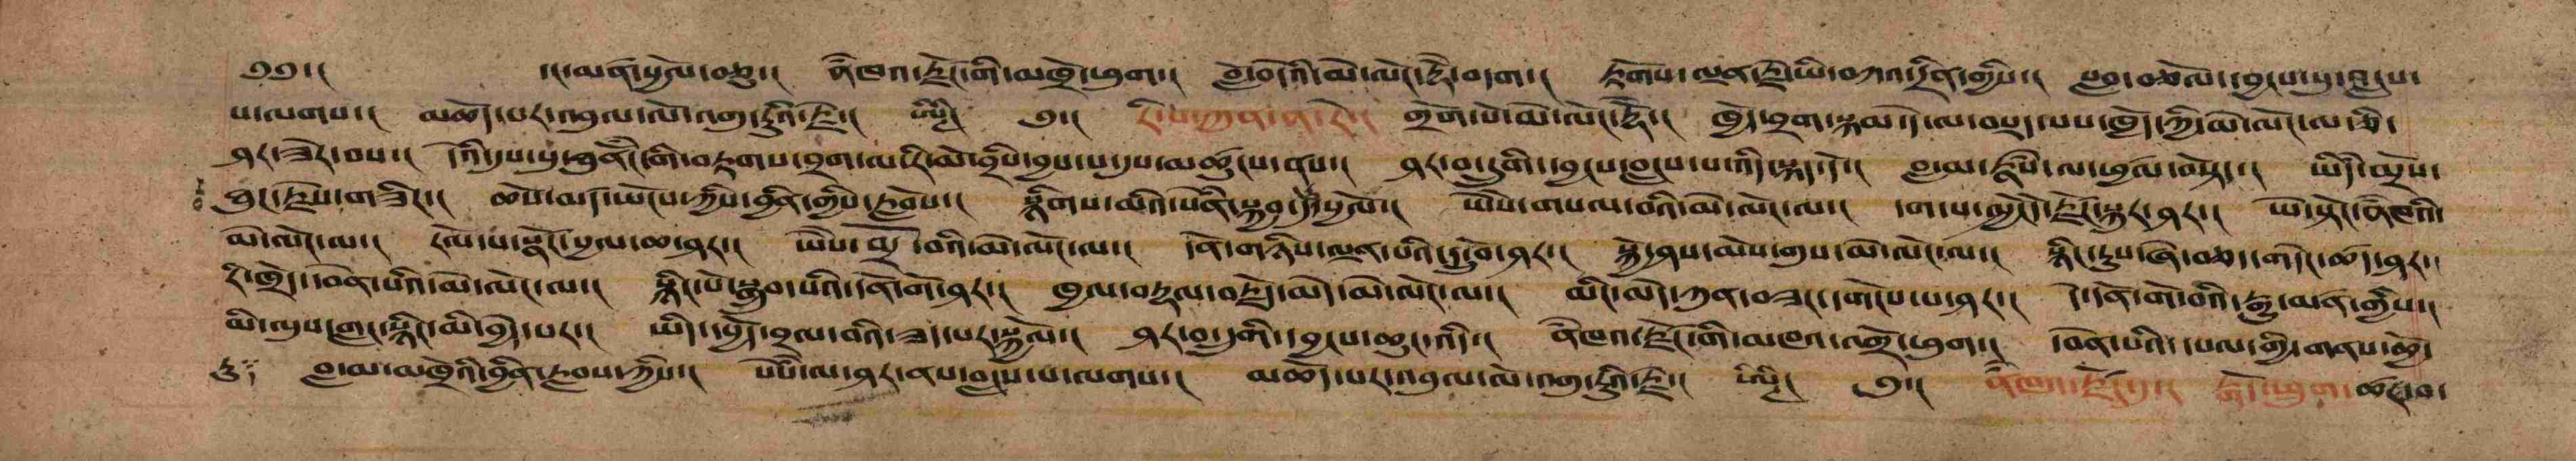༄༅་། དང་མཚན་གསོལ་བཅུ། ནམ་མཁའ་རྫོང་གི་མཁའ་འགྲོ་ཕུག། བློ་བདེའི་མེ་ལོང་རྡོ་རྗེ་བདག། རྟོགས་ལྡན་རྗེ་ཡི་བཀའ་དྲིན་གྱིས། སླབ་བཅོལ་དབྱངས་སུ་བླངས་
པ་ལགས། མཆོད་པར་འབུལ་ལོ་འགུ་རུའི་རྗེ། ཨིཊི། ༄་། རི་པ་ཀུན་ན་རེ། གྲོག་པོ་མེ་ལོང་རྡོ་རྗེ། ཁྱོད་བྲག་སྐམ་དེ་ལ་བསྡད་པས་ཁྱོད་ཀྱི་མེ་ལོང་ལ་ཅི་
ཤར་ཟེར་བས། དེའི་དུས་སུ་ཐུན་མོངས་གི་བརྟགས་བྲག་མ་རི་མོ་བྲིས་བྱས་པ་དུས་མཚུངས་ནས། ཤར་བ་དྲུག་གི་དབྱངས་བླངས་པ་འདི་སྐད་དོ། བླ་མ་རྣམས་ལ་ཕྱག་འཚལ་བསྟོད། ཡིད་དམ་མཁའ་འགྲོས་
ཐུགས་རྗེས་གཟིགས། ཆོས་མཛད་ཡོངས་ཀྱིས་བྱིན་གྱིས་རློབས། སྙིགས་མའི་སེམས་ཅན་སྐྱབས་དུཾ་གསོལ། ཡེ་ཤེས་གསལ་བའི་མེ་ལོང་ལ། དག་པ་ལོངས་སྤྱོད་རྫོགས་སྐུར་ཤར། ཡེ་སྟོང་ནམ་མཁའི་
མེ་ལོང་ལ། རོལ་པ་སྣ་ཚོགས་གསལ་ཆ་ཤར། ཡེ་ཤེས་མཁའ་འགྲོ་བའི་མེ་ལོང་ལ། དོན་གཉིས་ལྡན་པའི་དངོས་གྲུབ་ཤར། སྐྱོ་ཤས་མོས་གུས་མེ་ལོང་ལ། སྙིང་རུས་ཞེ་བཅད་གདེང་ཚད་ཤར། 
རི་ཁྲོད་དབེན་པའི་མེ་ལོང་ལ། སྙིང་པོ་སྒྲུབ་པའི་དོན་གོ་ཤར། ཁྱབ་བརྡལ་བརྗོད་མེད་མེ་ལོང་ལ། མིང་མེད་ཀུན་བཟང་དགོངས་པ་ཤར། དེ་དོན་གོ་བའི་རྒྱུ་མཚན་གྱིས། 
མི་ལུས་གླང་སྙིང་མི་བྱེད་པར། ཡིད་དཔྱོད་བྲལ་བའི་ཟད་སར་སྐྱོལ། ཤར་བ་དྲུག་གི་དབྱངས་ཆུང་འདི། ནམ་མཁའ་རྫོང་གི་མཁའ་འགྲོ་ཕུག། དབེན་པའི་དཔལ་གྱི་གནས་མཆོག་
ཏུ། བླ་མ་མཁའ་འགྲོའི་བྱིན་རླབས་ཀྱིས། སེམས་ལ་ཤར་ནས་བླངས་པ་ལགས། མཆོད་པར་འབུལ་ལོ་འགུ་རུའི་རྗེ། ཨིཊི། ༄་། ནམ་མཁའ་རྫོང་དུ། རྒོད་ཕྲུག་ཚང་བ་